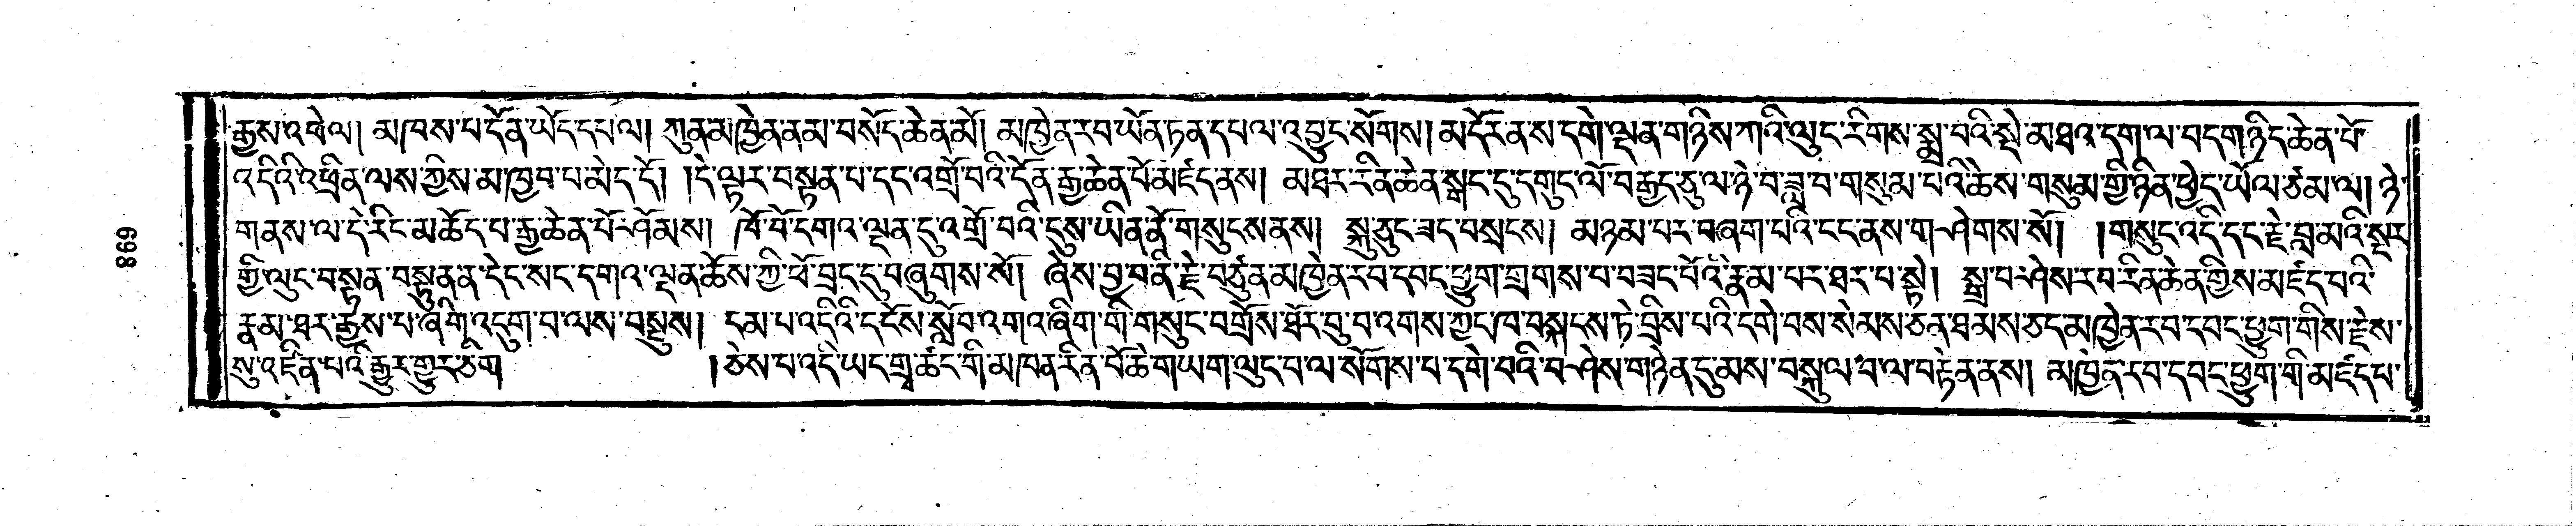རྒྱས་འཕེལ། མཁས་པ་དོན་ཡོད་དཔལ། ཀུན་མཁྱེན་ནམ་བསོད་ཆེན་མོ། མཁྱེན་རབ་ཡོན་ཏན་དཔལ་འབྱུང་སོགས། མདོར་ནས་དགེ་ལྡན་གཉིས་ཀའི་ལུང་རིགས་སྨྲ་བའི་སྡེ་མཐའ་དག་ལ་བདག་ཉིད་ཆེན་པོ་
འདིའི་འཕྲིན་ལས་ཀྱིས་མ་ཁྱབ་པ་མེད་དོ། །དེ་ལྟར་བསྟན་པ་དང་འགྲོ་བའི་དོན་རྒྱ་ཆེན་པོ་མཛད་ནས། མཐར་རིན་ཆེན་སྒང་དུ་དགུང་ལོ་བརྒྱད་ཅུ་ལ་ཉེ་བ་ཟླ་བ་གསུམ་པའི་ཚེས་གསུམ་གྱི་ཉིན་ཕྱེད་ཡོལ་ཙམ་ལ། ཉེ་
གནས་ལ་དེ་རིང་མཆོད་པ་རྒྱ་ཆེན་པོ་ཤོམས། ཁོ་བོ་དགའ་ལྡན་དུ་འགྲོ་བའི་དུས་ཡིན་ནོ་གསུངས་ནས། སྐུ་ཅུང་ཟད་བསྲངས། མཉམ་པར་བཞག་པའི་ངང་ནས་གཤེགས་སོ། །གསུང་དི་དང་རྗེ་བླ་མའི་སྔར་
གྱི་ལུང་བསྟན་བསྟུན་ན་དེང་སང་དགའ་ལྡན་ཆོས་ཀྱི་ཕོ་བྲང་དུ་བཞུགས་སོ། ཞེས་བྱ་བ་ནི་རྗེ་བཙུན་མཁྱེན་རབ་དབང་ཕྱུག་གྲགས་པ་བཟང་པོའི་རྣམ་པར་ཐར་པ་སྟེ། སྒྲ་པ་ཤེས་རབ་རིན་ཆེན་གྱིས་མཛད་པའི་
རྣམ་ཐར་རྒྱས་པ་ཞིག་འདུག་པ་ལས་བསྡུས། དམ་པ་འདིའི་དངོས་སློབ་འགའ་ཞིག་གི་གསུང་བགྲོས་ཐོར་བུ་བ་འགས་ཀྱང་ཁ་བསྐངས་ཏེ་བྲིས་པའི་དགེ་བས་སེམས་ཅན་ཐམས་ཅད་མཁྱེན་རབ་དབང་ཕྱུག་གིས་རྗེས་
སུ་འཛིན་པའི་རྒྱུར་གྱུར་ཅིག །ཅེས་པ་འདི་ཡང་གྲྭ་ཚང་གི་མཁན་རིན་པོ་ཆེ་གཡག་ལུང་པ་ལ་སོགས་པ་དགེ་བའི་བཤེས་གཉེན་དུ་མས་བསྐུལ་བ་ལ་བརྟེན་ནས། མཁྱེན་རབ་དབང་ཕྱུག་གི་མཛད་པ་